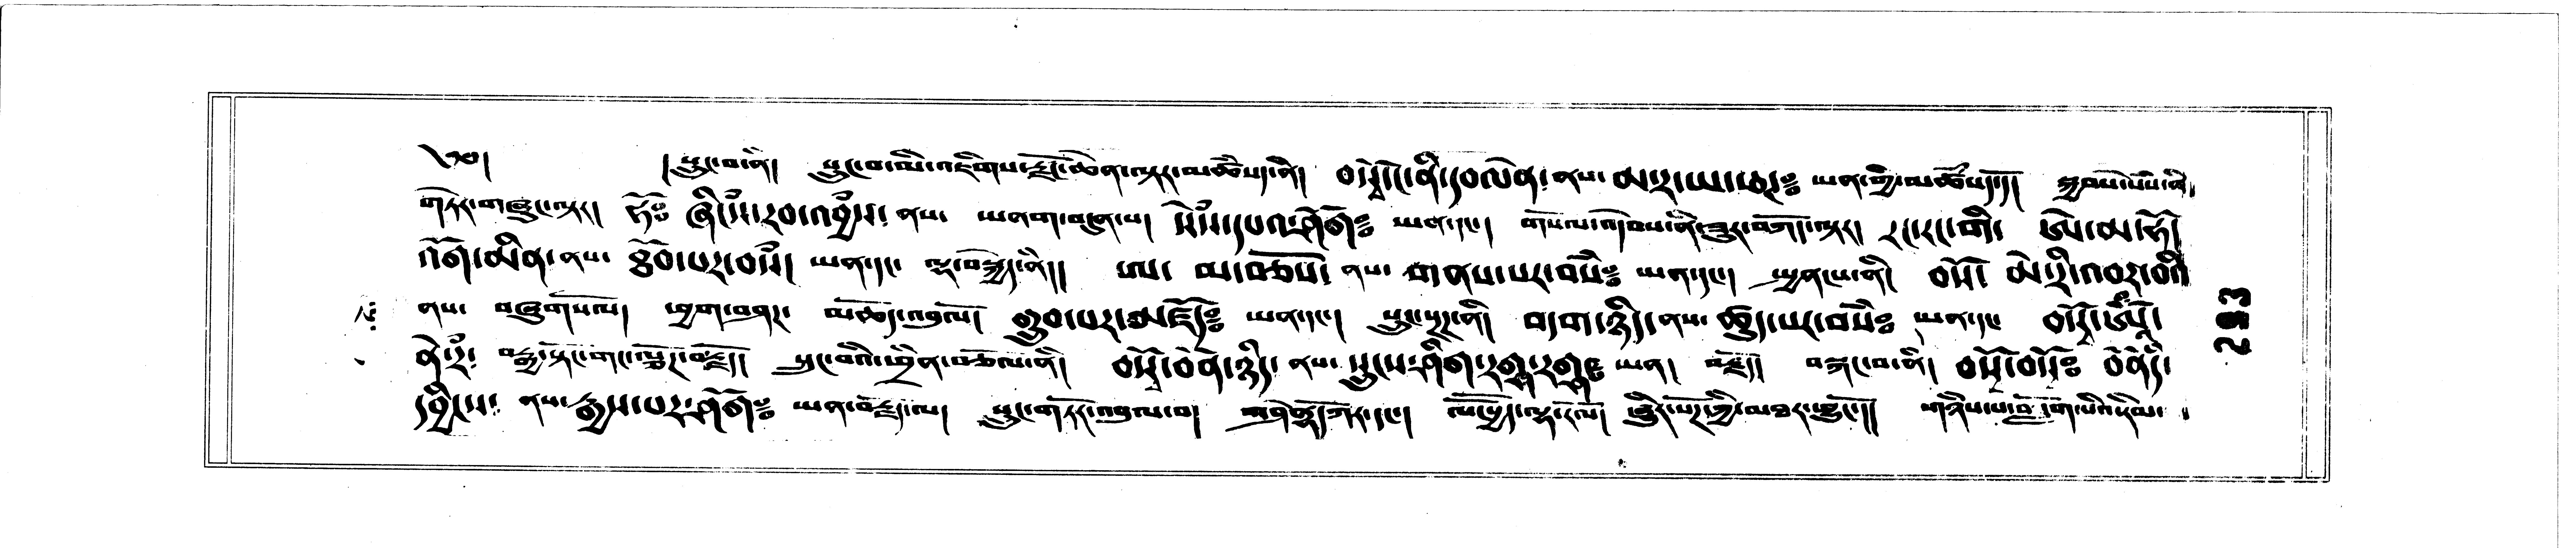བསྲུང་བ་ནི། སྲུང་བ་མི་འཇིགས་རྫོང་ཆེན་ལྟར་མཚམས་བཅད་ནི། བསྭོ་ང་ནི་དབལ་ཆེན་ནས་མ་ར་ཡ་ཕཊཿ ཡན་གྱི་མཚམས་བཅད་དོཿ སྐྱབས་སེམས་ནི། 
གཏེར་གཞུང་ལྟར། ཧོཿ ཞིང་ཁམས་རབ་འབྱམས་ནས་ཡན་ལག་བདུན་པ་སེམས་དཔའ་ཤོགཿ ཡན་དང་། གསོལ་འདེབས་ནི་ཟུར་བཀོད་ལྟར། རང་རང་གི་ཨེ་མ་ཧོ། 
འོག་མིན་ནས་ཐོབ་པར་བསམ། ཡན་དང་། ལྷ་བསྐྱེད་ནི། ཨ་མ་བཅོས་ནས་གནས་པར་བསམཿ ཡན་དང་། སྤྱན་དྲངས་ནི། བསྭོ་མེ་རི་འབར་བའི་
ནས་བཞུགས་གསོལ་ཕྱག་བཤགས་མཆོད་འབུལ་ལོ། གྲུབ་པར་མཛོདཿ ཡན་དང་། སྲུང་སྔགས་ནི། བདག་ཉིད་ནས་ཚུད་པར་བསམ། ཡན་དང་། བསྭོ་ཨཱོྃ་
ནེ་རཾ་བརྒྱ་སྟོང་གང་ལྕོགས་བརྗོད། སྲུང་བའི་ཕྲིན་བཅོལ་ནི། བསྭོ་བོན་ཉིད་ནས་སྲུངས་ཤིག་རགྴ་རགྴཿ ཡན་བརྗོད། བསྐང་བ་ནི། བསྭོ་བསྭོ་བོན་ཉིད་
དབྱིངས་ནས་རྒྱས་པར་ཤོག ཡན་བརྗོད་ལ། སྲུང་གཏོར་འབུལ་བ་གཤེན་ལྷ་འོད་དཀར་དང་ལོངས་སྤྱོད་ལྷ་རོལ་ཞི་གྱུར་སོགས་ཀྱིས་མཐར་ཕྱུང་ངོ་། གཉིས་པ་བཟློག་པའི་རིམ་པ་